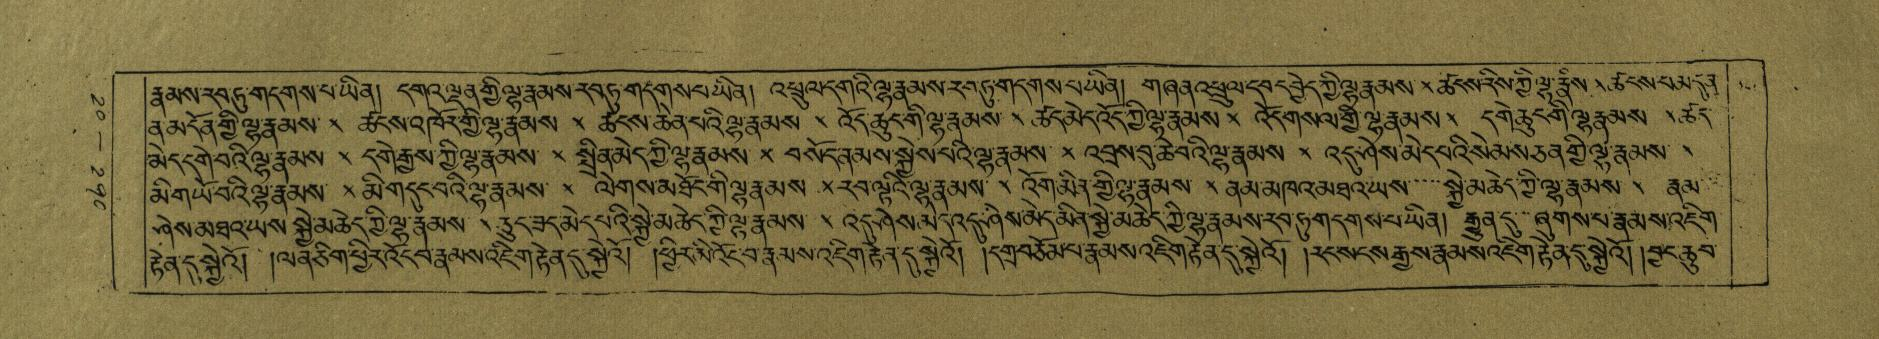རྣམས་རབ་ཏུ་གདགས་པ་ཡིན། དགའ་ལྡན་གྱི་ལྷ་རྣམས་རབ་ཏུ་གདགས་པ་ཡིན། འཕྲུལ་དགའི་ལྷ་རྣམས་རབ་ཏུ་གདགས་པ་ཡིན། གཞན་འཕྲུལ་དབང་བྱེད་ཀྱི་ལྷ་རྣམས་྾་ཚངས་རིས་ཀྱི་ལྷ་རྣཾས་྾་ཚངས་པ་མདུན་
ན་མདོན་གྱི་ལྷ་རྣམས་྾་ཚངས་འཁོར་གྱི་ལྷ་རྣམས་྾་ཚངས་ཆེན་པའི་ལྷ་རྣམས་྾་འོད་ཆུང་གི་ལྷ་རྣམས་྾་ཚད་མེད་འོད་ཀྱི་ལྷ་རྣམས་྾་འོད་གསལ་གྱི་ལྷ་རྣམས་྾་དགེ་ཆུང་གི་ལྷ་རྣམས་྾་ཚད་
མེད་དགེ་བའི་ལྷ་རྣམས་྾་དགེ་རྒྱས་ཀྱི་ལྷ་རྣམས་྾་སྤྲིན་མེད་ཀྱི་ལྷ་རྣམས་྾་བསོད་ནམས་སྐྱེས་པའི་ལྷ་རྣམས་྾་འབྲས་བུ་ཆེ་བའི་ལྷ་རྣམས་྾་འདུ་ཤེས་མེད་པའི་སེམས་ཅན་གྱི་ལྷ་རྣམས་྾་
མི་གཡོ་བའི་ལྷ་རྣམས་྾་མི་གདུང་བའི་ལྷ་རྣམས་྾་ལེགས་མཐོང་གི་ལྷ་རྣམས་྾་རབ་ལྟའི་ལྷ་རྣམས་྾་འོག་མིན་གྱི་ལྷ་རྣམས་྾་ནམ་མཁའ་མཐའ་ཡས་སྐྱེ་མཆེད་ཀྱི་ལྷ་རྣམས་྾་རྣམ་
ཤེས་མཐའ་ཡས་སྐྱེ་མཆེད་ཀྱི་ལྷ་རྣམས་྾་ཅུང་ཟད་མེད་པའི་སྐྱེ་མཆེད་ཀྱི་ལྷ་རྣམས་྾་འདུ་ཤེས་མེད་འདུ་ཤེས་མེད་མིན་སྐྱེ་མཆེད་ཀྱི་ལྷ་རྣམས་རབ་ཏུ་གདགས་པ་ཡིན། རྒྱུན་དུ་ཞུགས་པ་རྣམས་འཇིག་
རྟེན་དུ་སྐྱེའོ། །ལན་ཅིག་ཕྱིར་འོང་བ་རྣམས་འཇིག་རྟེན་དུ་སྐྱེའོ། །ཕྱིར་མི་འོང་བ་རྣམས་འཇིག་རྟེན་དུ་སྐྱེའོ། །དགྲ་བཅོམ་པ་རྣམས་འཇིག་རྟེན་དུ་སྐྱེའོ། །རང་སངས་རྒྱས་རྣམས་འཇིག་རྟེན་དུ་སྐྱེའོ། །བྱང་ཆུབ་